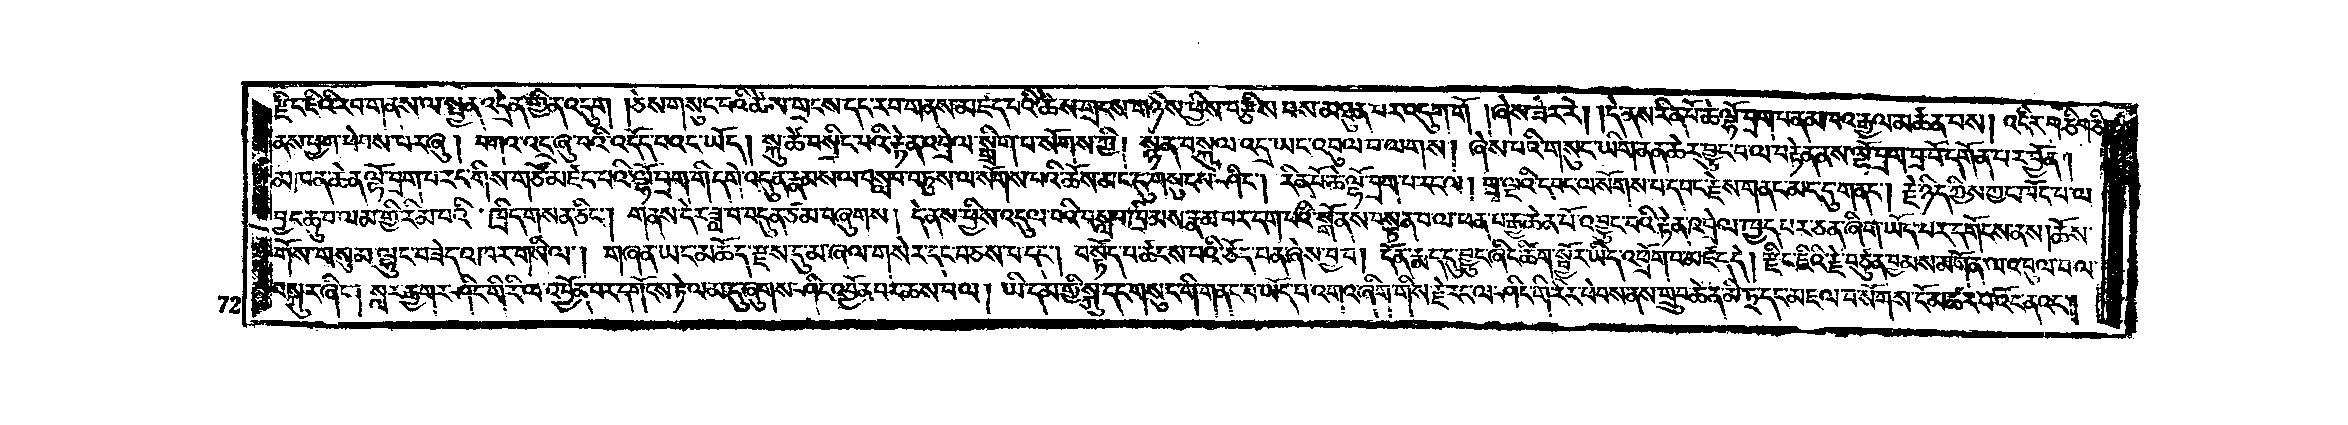རྫིང་ཇིའི་རབ་གནས་ལ་སྤྱན་འདྲེན་གྱིན་འདུག །ཅེས་གསུང་པའི་ཚེས་གྲངས་དང་རབ་གནས་མཛད་པའི་ཚེས་གྲངས་གཉིས་ཕྱིས་བརྩིས་བས་མཐུན་པར་འདུག་གོ །ཞེས་ཟེར་རེ། །དེ་ནས་རིན་པོ་ཆེ་ལྷོ་བྲག་པ་ནམ་མཁའ་རྒྱལ་མཚན་པས། འདིར་གཅིག་ཅི་
ནས་ཕྱག་ཕེབས་པར་ཞུ། བཀའ་འདྲ་ཞུ་བའི་འདོད་པའང་ཡོད། སྐུ་ཚེ་བསྲིང་པའི་རྟེན་འབྲེལ་སྒྲིག་པ་སོགས་ཀྱི། སྙན་བསྐུལ་འདྲ་ཡང་འབུལ་བ་ལགས། ཞེས་པའི་གསུང་ཡིག་ནན་ཆེར་བྱུང་བ་ལ་བརྟེན་ནས་ལྷོ་བྲག་བྲ་བོ་དགོན་པར་བྱོན།
མཁན་ཆེན་ལྷོ་བྲག་པ་རང་གིས་གཙོ་མཛད་པའི་ལྷོ་བྲག་གི་དགེ་འདུན་རྣམས་ལ་བསླབ་བཏུས་ལ་སོགས་པའི་ཆོས་མང་དུ་གསུངས་ཤིང་། རིན་པོ་ཆེ་ལྷོ་བྲག་པ་རང་ལ། གྲྭ་ལྔའི་དབང་ལ་སོགས་པ་དབང་རྗེས་གནང་མང་དུ་གནང་། རྗེ་ཉིད་ཀྱིས་ཀྱང་ཁོང་པ་ལ་
བྱང་ཆུབ་ལམ་གྱི་རིམ་པའི་ཁྲིད་གསན་ཅིང་། གནས་དེར་ཟླ་བ་བདུན་ཙམ་བཞུགས། དེ་ནས་ཕྱིས་འདུལ་བའི་བསླབ་ཁྲིམས་རྣམ་པར་དག་པའི་སྒོ་ནས་བསྟན་པ་ལ་ཕན་པ་རྒྱ་ཆེན་པོ་འབྱུང་བའི་རྟེན་འབྲེལ་ཁྱད་པར་ཅན་ཞིག་ཡོད་པར་དགོངས་ནས། ཆོས་
གོས་གསུམ་ལྷུང་བཟེད་འཁར་གསིལ། གཞན་ཡང་མཆོད་རྫས་དུ་མ་ཞལ་གསེར་དང་བཅས་པ་དང་། བསྟོད་པ་ཚངས་པའི་ཅོད་པན་ཞེས་བྱ་བ། དོན་རྨད་དུ་བྱུང་ཞིང་ཚིག་སྦྱོར་ཡིད་འཕྲོག་པ་མཛད་དེ། རྫིང་ཇིའི་རྗེ་བཙུན་བྱམས་མགོན་ལ་འབུལ་བ་ལ་
བསྐུར་ཞིང་། སླར་རྒྱ་གར་ཤིང་གི་རི་ལ་འབྱོན་པར་དགོངས་ཏེ་ལམ་དུ་ཞུགས་ཤིང་འབྱོན་པར་ཆས་པ་ལ། ཡི་དམ་གྱི་སྐུ་དང་གསུང་གི་གནང་བ་ཡོད་པ་འགའ་ཞིག་གིས་རྗེ་རང་ལ་ཤིང་གི་རིར་ཕེབས་ནས་གྲུབ་ཆེན་མི་ཏྲ་དང་མཇལ་བ་སོགས་ངོ་མཚར་བ་འོང་ནའང་།